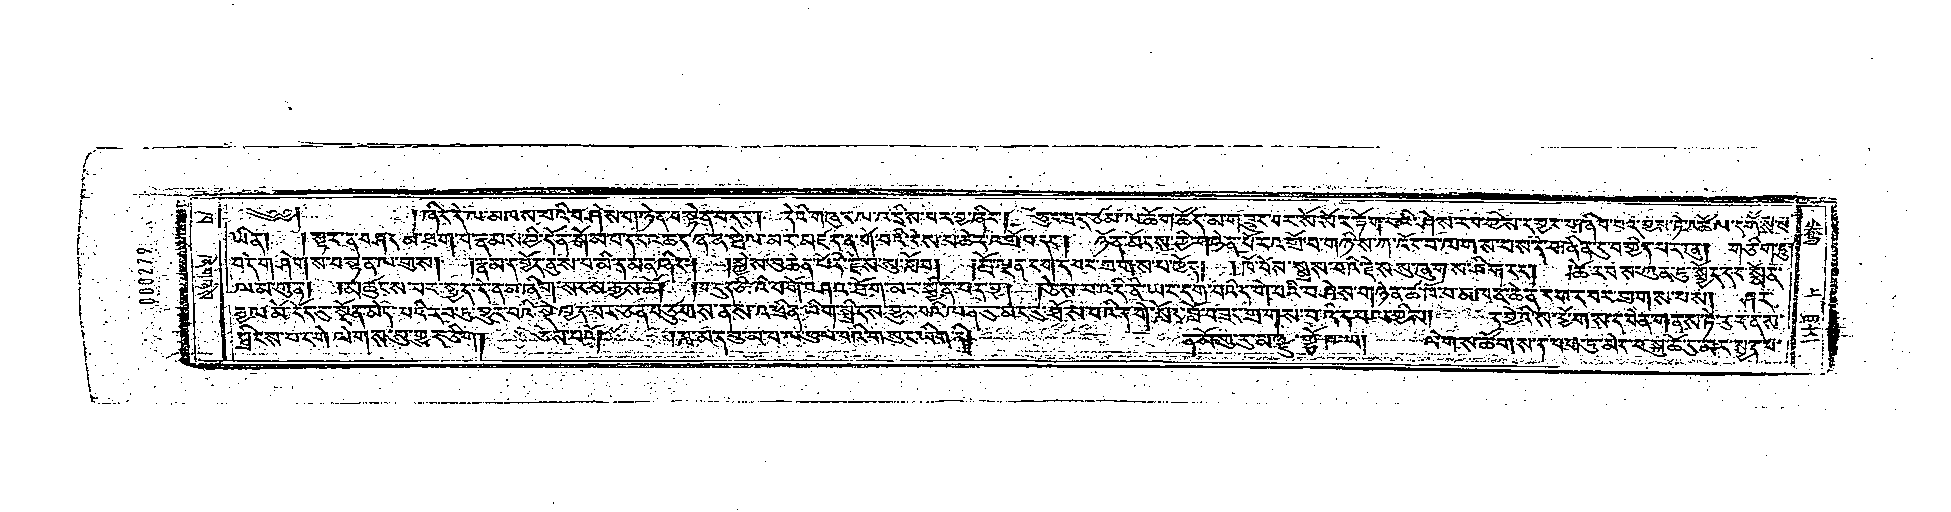༄༅། །ཞིང་དེ་ལ་མཁས་པའི་བཤེས་གཉེན་བསྟེན་པ་དང་། དེའི་གཞུང་ལ་འདྲིས་པར་བྱ་ཞིང་། ཅུང་ཟད་ཙམ་ལ་ཆོག་ཚོད་མ་གཟུང་བར་སོ་སོར་རྟོག་པའི་ཤེས་རབ་ཀྱིས་དབྱང་པ་ཞིབ་པར་བྱས་ཏེ་འཚོལ་དགོས་པ་
ཡིན། །སྟར་ན་བཤད་མ་ཐག་པ་རྣམས་ཀྱི་དོན་སྒོམ་པ་དང་འཆད་ན་ན་སྦེལ་མར་མཛད་ན་གོ་བའི་ངེས་པ་ཆེར་འགྲོ་བ་དང་། ཉོན་མོངས་ཀྱི་གཉེན་པོར་འགྲོ་བ་གཉིས་ཀ་འོང་བ་ལགས་པས་དེ་བཞིན་དུ་བགྱིད་པར་ཞུ། གཅིག་ཏུ་
བདེ་གཤེགས་བསྟན་ལ་གུས། །རྣམ་དབྱོད་ནུས་པ་མི་དམན་ཞིང་། །སྐྱེས་བུ་ཆེན་པོའི་རྗེས་སུ་སློབ། །མོ་ལྡན་ངག་དབང་གྲགས་པ་གྱོད། །ཁོ་བོས་སྨྲས་པའི་རྗེས་སུ་ཞུགས་ཤིག་དང་། །ཚེ་རབས་ཀུན་ཏུ་སྤྱོད་དང་སྨོན་
ལམ་ཀུན། །མཚུངས་པར་སྤྱད་དེ་ནམ་ཞིག་སངས་རྒྱས་ཆེ། །བདུད་ཅིའི་བགོ་བཤའ་ཐོག་མར་སྦྱིན་པར་བྱ། །ཅེས་པ་འདི་ནི་ཡང་དག་པའི་དགེ་བའི་བཤེས་གཉེན་ཚ་ཁོ་བ་མཁན་ཆེན་ངག་དབང་གྲགས་པས། ཤང་
རྒྱལ་མོ་དོད་དུ་སྔོན་མེད་པའི་རབ་ཏུ་བྱུང་བའི་སྡེ་ཁྱད་པར་ཅན་བཙུགས་ནས་འཕྲིན་ཡིག་སྤྲིངས་བྱུང་བའི་ལན་དུ་མང་དུ་ཐོས་པའི་དགེ་སློང་བློ་བཟང་གྲགས་པའི་དཔལ་གྱིས། དབྱེའི་ས་ཕྱོགས་དབེན་གནས་ཏེ་རུར་ནས་
སྤྲིངས་པ་དགེ་ལེགས་སུ་གྱུར་ཅིག། ཅེས་པའོ། །བླ་མ་དབུ་མ་པ་ལ་ཕུལ་བའི་གསུང་ཡིག་ནི། །ན་མོ་གུ་རུ་མཉྫུ་གྷོ་ཥ་ཡ། ལེགས་ཚོགས་དཔག་ཏུ་མེད་པ་སྐུ་ཚེ་དུ་མར་སྤྱད་པ་